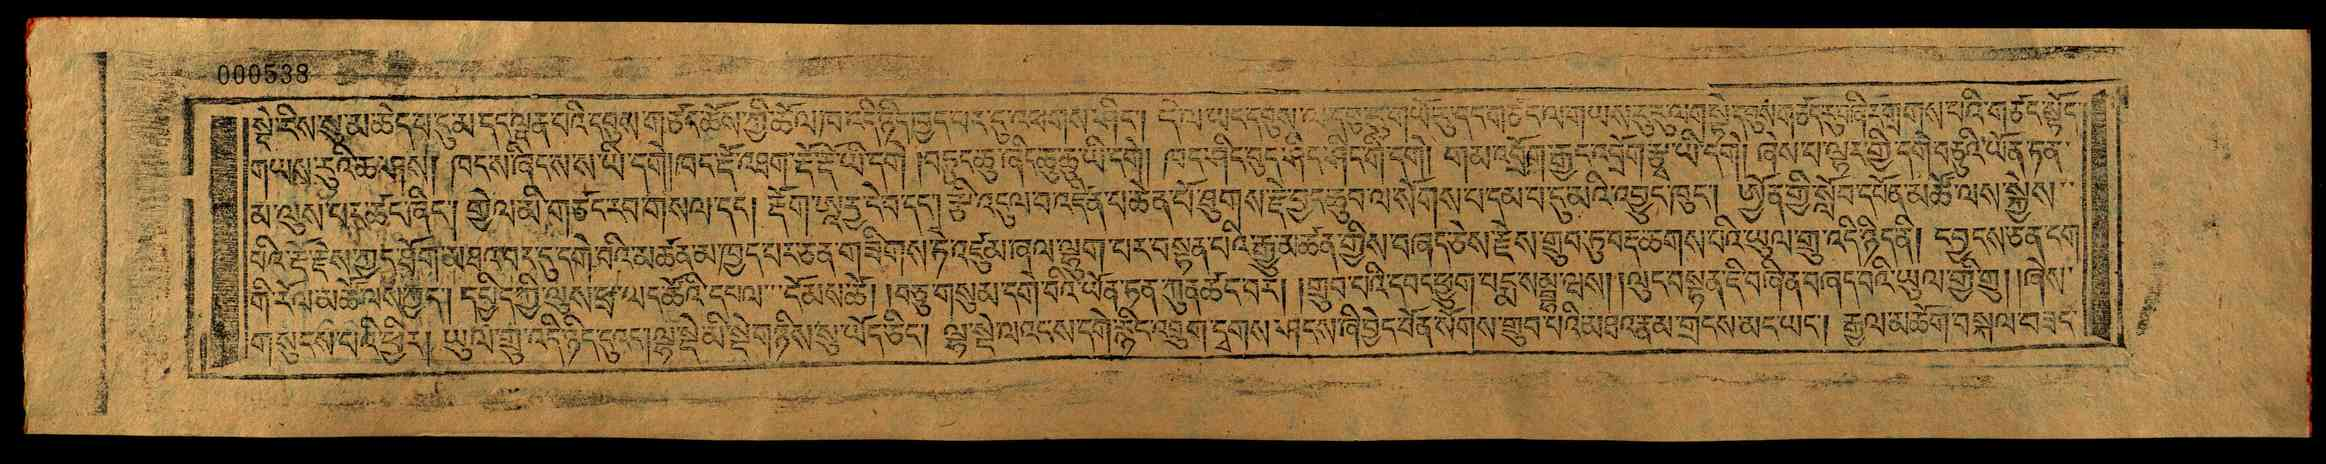སྡེ་རིས་སུ་མ་ཆེད་པ་དུ་མ་དང་ལྡན་པའི་དབུས་གཙང་ཆོས་ཀྱི་ཆོལ་ཁ་འདི་ཉིད་ཁྱད་པར་དུ་འཕགས་ཤིང་། དེ་ལ་ཡང་དབུས་ལ་དབུ་རུ་གཡོ་རུ་དང་གཙང་ལ་གཡས་རུ་རུ་ལག་སྟེ་དབུས་གཙང་རུ་བཞིར་གྲགས་པའི་གཙང་སྟོད་
གཡས་རུའི་ཆ་ཤས། ཁང་ས་ཞིངས་ས་ཡི་དགེ། ཁང་རྡོ་འཐག་རྡོ་རྡོ་ཡི་དགེ །བཏུང་ཆུ་ཞིང་ཆུ་ཆུ་ཡི་དགེ། ཁང་ཤིང་བུད་ཤིང་ཤིང་གི་དགེ། གམ་འབྲོག་རྒྱང་འབྲོག་རྩྭ་ཡི་དགེ། ཞེས་པ་ལྟར་གྱི་དགེ་བཅུའི་ཡོན་ཏན་
མ་ལུས་པར་ཚང་ཞིང་། གྱེ་ལ་མི་གཙང་རབ་གསལ་དང་། རྡོག་ཡཱརྱ་དེ་བ་དང་། རྩི་འདུལ་བ་འཛིན་པ་ཆེན་པོ་ཐུགས་ཇེ་བྱང་ཆུབ་ལ་སོགས་པ་དམ་པ་དུ་མའི་འབྱུང་ཁུང་། ཨཡོན་གྱི་སློབ་དཔོན་མཚོ་ལས་སྐྱེས་
པའི་རྡོ་རྗེས་ཀྱང་ཐོག་མཐའ་བར་དུ་དགེ་བའི་མཚན་མ་ཁྱད་པར་ཅན་གཟིགས་ཏེ་འཛུམ་ཞལ་ལྷུག་པར་བསྟན་པའི་རྒྱུ་མཚན་གྱིས་བཞད་ཅེས་རྗེས་གྲུབ་ཏུ་བརྡ་ཆགས་པའི་ཡུལ་གྲུ་འདི་ཉིད་ནི། དབྱངས་ཅན་ངག་
གི་རོལ་མཚོ་ལས་ཀྱང་། དཔྱིད་ཀྱི་ལུས་ཕྲ་ལང་ཚོའི་དཔལ་་་་ངོམས་ཚེ། །བཅུ་གསུམ་དགེ་བའི་ཡོན་ཏན་ཀུན་ཚང་བར། །གྲུབ་བའི་དབང་ཕྱུག་པདམ་སམྦྷ་ཝས། །ལུང་བསྟན་ཇི་བཞིན་བཞད་པའི་ཡུལ་གྱི་གྲུ། །ཞེས་
གསུངས་པའི་ཕྱིར། ཡུལ་གྲུ་འདི་ཉིད་དུའང་། ལྷ་སྡེ་མི་སྡེ་གཉིས་སུ་ཡོད་ཅིང་། ལྷ་སྡེ་ལའང་ས་དགེ་རྙིང་འབྲུག་དྭགས་ཤངས་ཞི་བྱེད་བོན་སོགས་གྲུབ་པའི་མཐའ་རྣམ་གྲངས་མང་ཡང་། རྒྱལ་མཆོག་བསྐལ་བཟང་